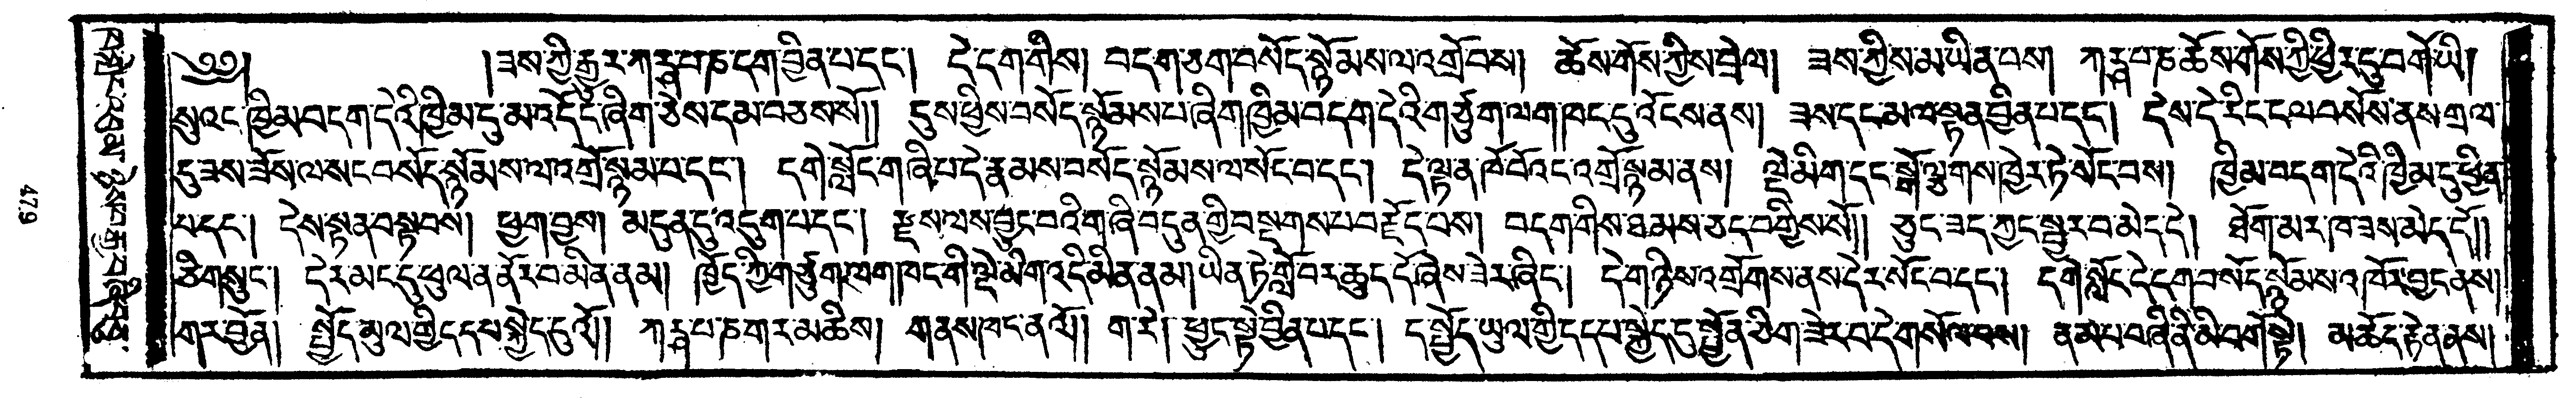༄༅། །ཟས་ཀྱི་རྒྱུར་ཀརྴ་པ་ཎ་དག་བྱིན་པ་དང་། དེ་དག་གིས། བདག་ཅག་བསོད་སྙོམས་ལ་འགྲོ་བས། ཆོས་གོས་ཀྱིས་བྲེལ། ཟས་ཀྱིས་མ་ཡིན་པས། ཀརྴ་པ་ཎ་ཆོས་གོས་ཀྱི་ཕྱིར་དུ་བགོ་ཡི།
སུའང་ཁྱིམ་བདག་དེའི་ཁྱིམ་དུ་མ་འདོད་ཞིག་ཅེས་དམ་བཅས་སོ།། དུས་ཕྱིས་བསོད་སྙོམས་པ་ཞིག་ཁྱིམ་བདག་དེའི་གཙུག་ལག་ཁང་དུ་འོངས་ནས། ཟས་དང་མལ་སྟན་བྱིན་པ་དང་། དེས་དེ་རིང་ངལ་བསོས་ནས་གྲལ་
དུ་ཟས་ཟོས་ལ་སང་བསོད་སྙོམས་ལ་འགྲོ་སྙམ་པ་དང་། དགེ་སློང་གཞི་པ་དེ་རྣམས་བསོད་སྙོམས་ལ་སོང་བ་དང་། དེ་ལྟ་ན་ཁོ་བོའང་འགྲོ་སྙམ་ནས། ལྡེ་མིག་དང་སྒོ་ལྕགས་ཁྱེར་ཏེ་སོང་བས། ཁྱིམ་བདག་དེའི་ཁྱིམ་དུ་ཕྱིན་
པ་དང་། དེས་སྟན་བསྟབས། ཕྱག་བྱས། མདུན་དུ་འདུག་པ་དང་། རྫས་ལས་བྱུང་བའི་གཞི་བདུན་གྱི་བསྔགས་པ་བརྗོད་པས། བདག་གིས་ཐམས་ཅད་བགྱིས་སོ།། ཅུང་ཟད་ཀྱང་སྦྱར་བ་མེད་དེ། ཐོག་མར་ཁ་ཟས་མེད་དོ།།
ཅི་གསུང་། དེར་མང་དུ་ཕུལ་ན་ནོར་བ་མིན་ནམ། ཁྱོད་ཀྱི་གཙུག་ལག་ཁང་གི་ལྡེ་མིག་འདི་མིན་ནམ། ཡིན་ཏེ་གློ་བར་ཆུད་དོ་ཞེས་ཟེར་ཞིང་། དེ་གཉིས་འགྲོགས་ནས་དེར་སོང་བ་དང་། དགེ་སློང་དེ་དག་བསོད་སྙོམས་འཁོར་བྱང་ནས།
གར་བྱོན། སྤྱོད་མུལ་གྱི་དད་བསྐྱེད་དུའོ།། ཀརྵ་པ་ཎ་གར་མཆིས། གནས་ཁང་ནའོ།། ག་རེ། ཕྱུང་སྟེ་བྱིན་པ་དང་། ད་སྤྱོད་ཡུལ་གྱི་དད་པ་སྐྱེད་དུ་སྦྱོན་ཅིག་ཟེར་བ་དེ་གསོལ་བས། ནམ་པ་བཞི་ནི་མི་བགོ་སྟེ། མཆོད་རྟེན་ནས།